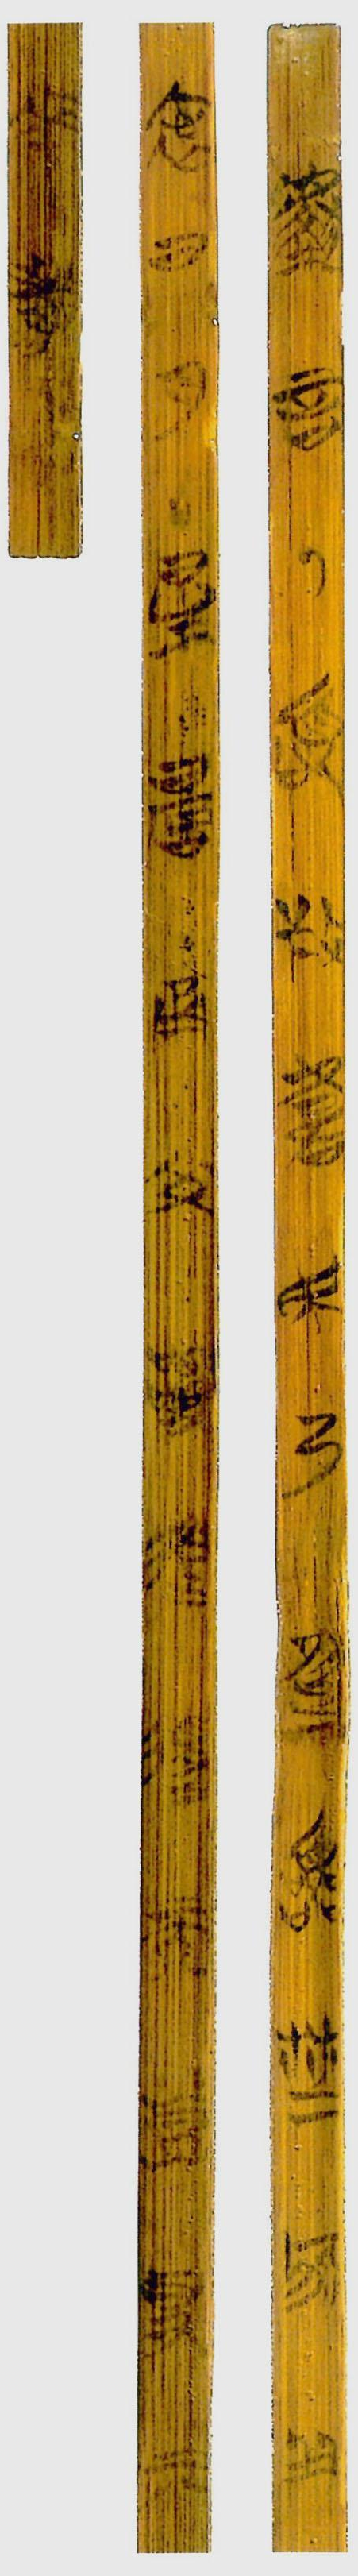獻言人頌攼{韋口}民乃{卲止}囂{𣏟止}所并{衣心}日月星晨甬交{𤔔㗊}（亂）進退而莫𠭁（得）亓𠂔歲
